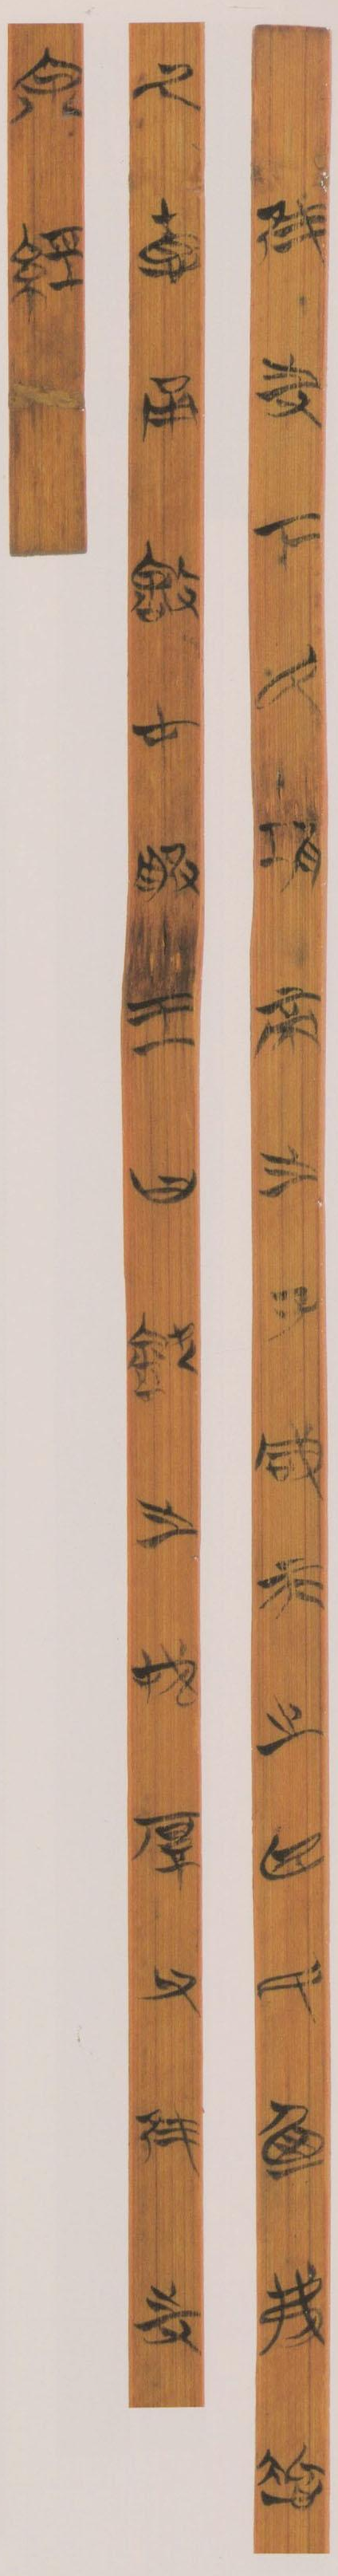隹寺下民{工隹}帝之子咸天之臣民廼弗{仌斤心}氒惪甬{余口攴}才服王曰欽之{十戈}厚父隹寺余經
